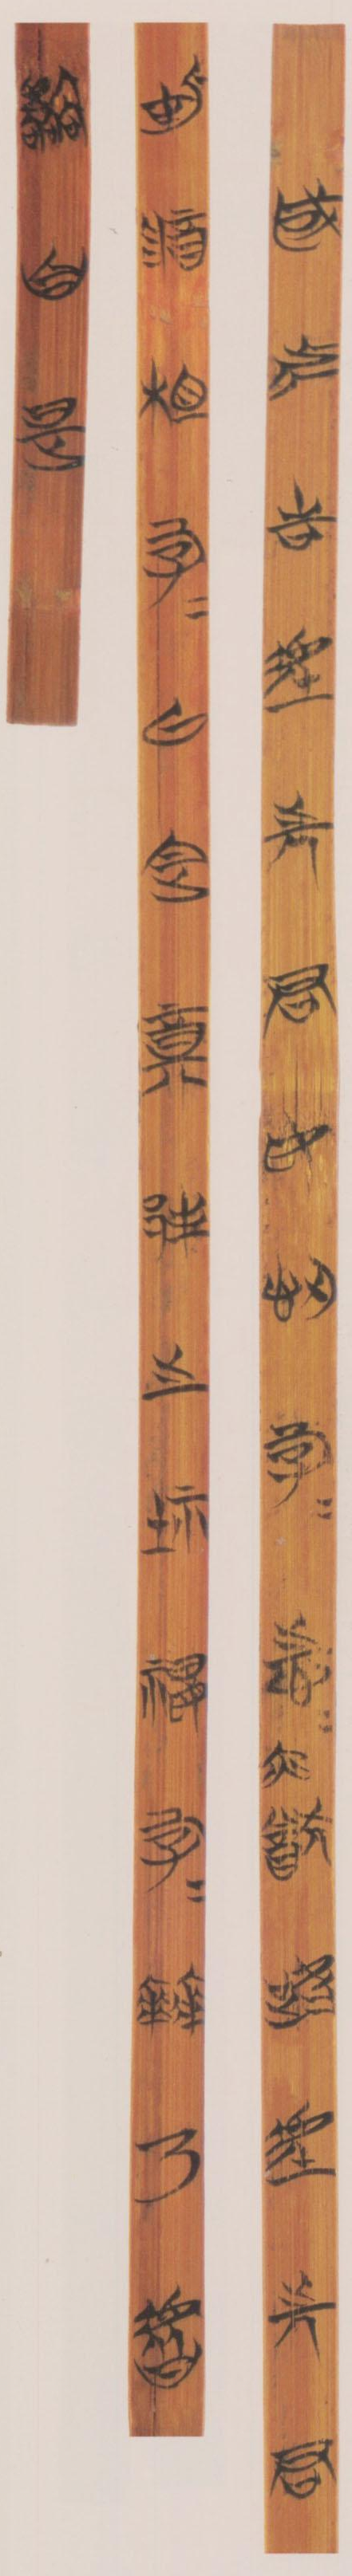或延告𫊟先君女忍乳=志=亦猶{足欠}𫊟先君{才匕}𨟻相乳=㠯（以）定奠邦之社禝乳=拜乃{虍皆}臨自是
